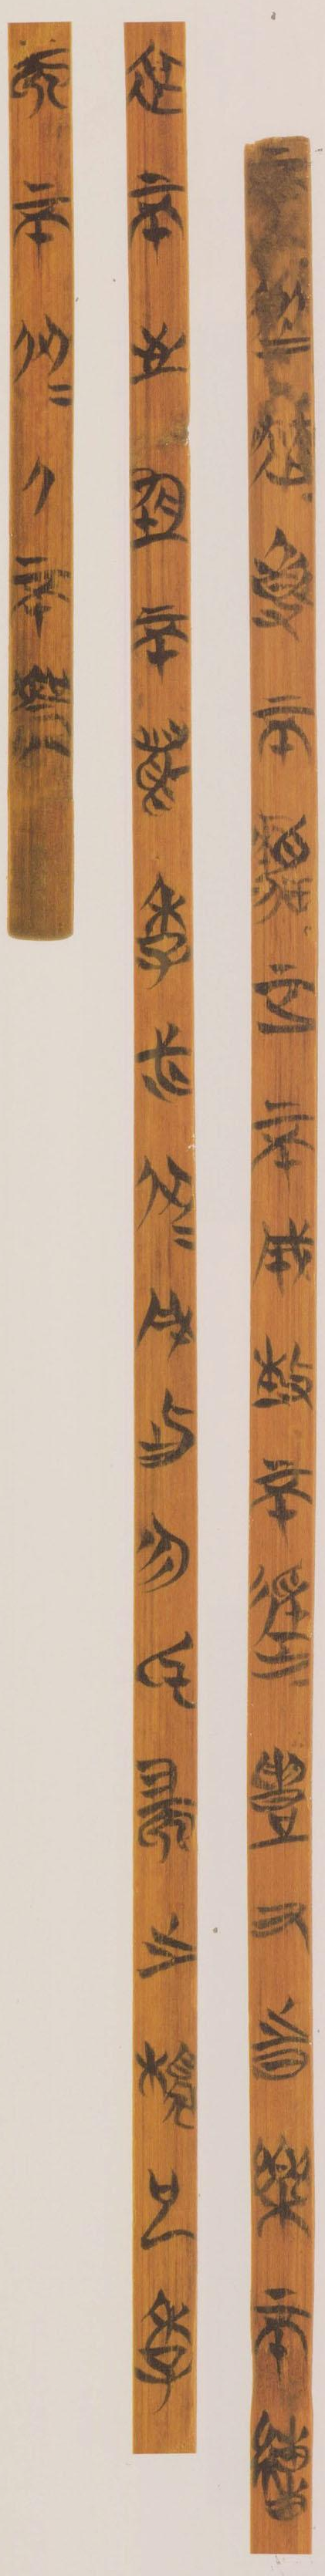不從勞事不{來耒田}正不成{坴攴}不{辶㸒}豊又{之日}樂不{糸東田}哀不至均不{鼠一}季必仞=凡此勿氒耑之{木蜀}也季而不仞=人不{亠舛几}
